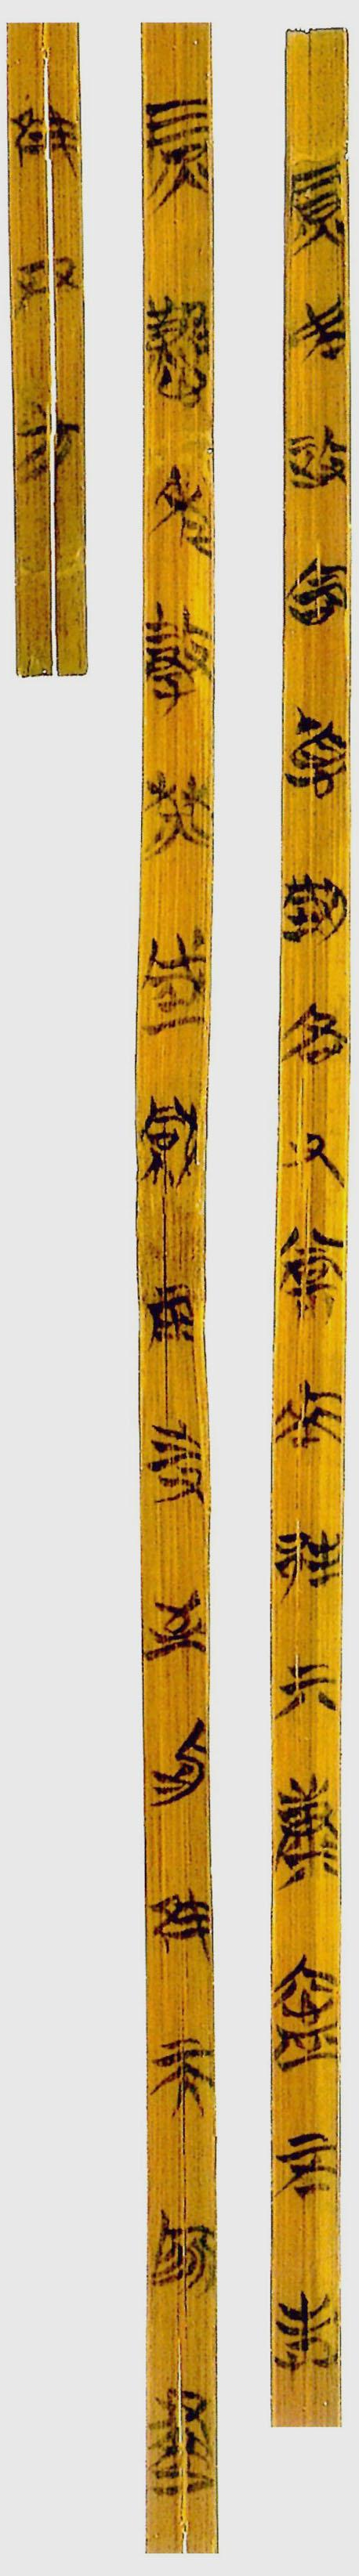庶民政令惪型各又常𠂔邦亓康{穴心皿}（寧）不奉庶戁（難）年{㱿子}焚成風雨寺至此隹天所建隹四方
